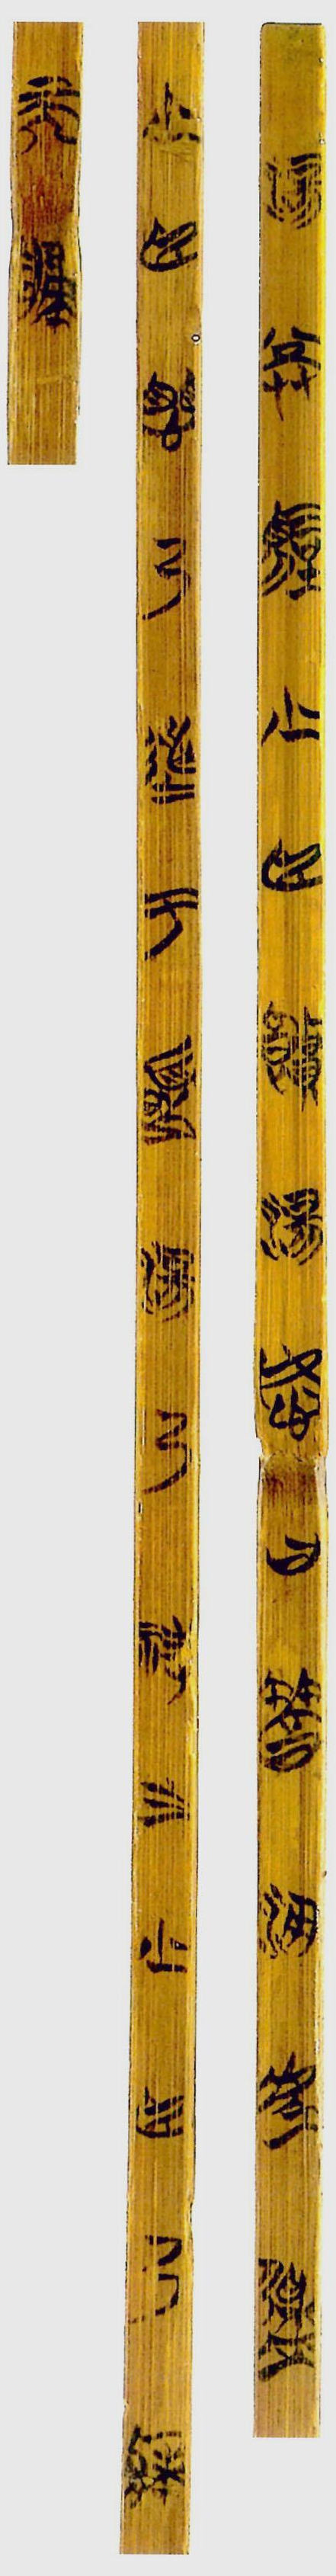湯{网廾}{馬呈}少臣饋湯㣽曰䈞洀𫊟（吾）{弓采皿}少臣愳乃逃于{日止頁}（夏）湯乃□之少臣乃{疒未}而{爿帚}（寢）
